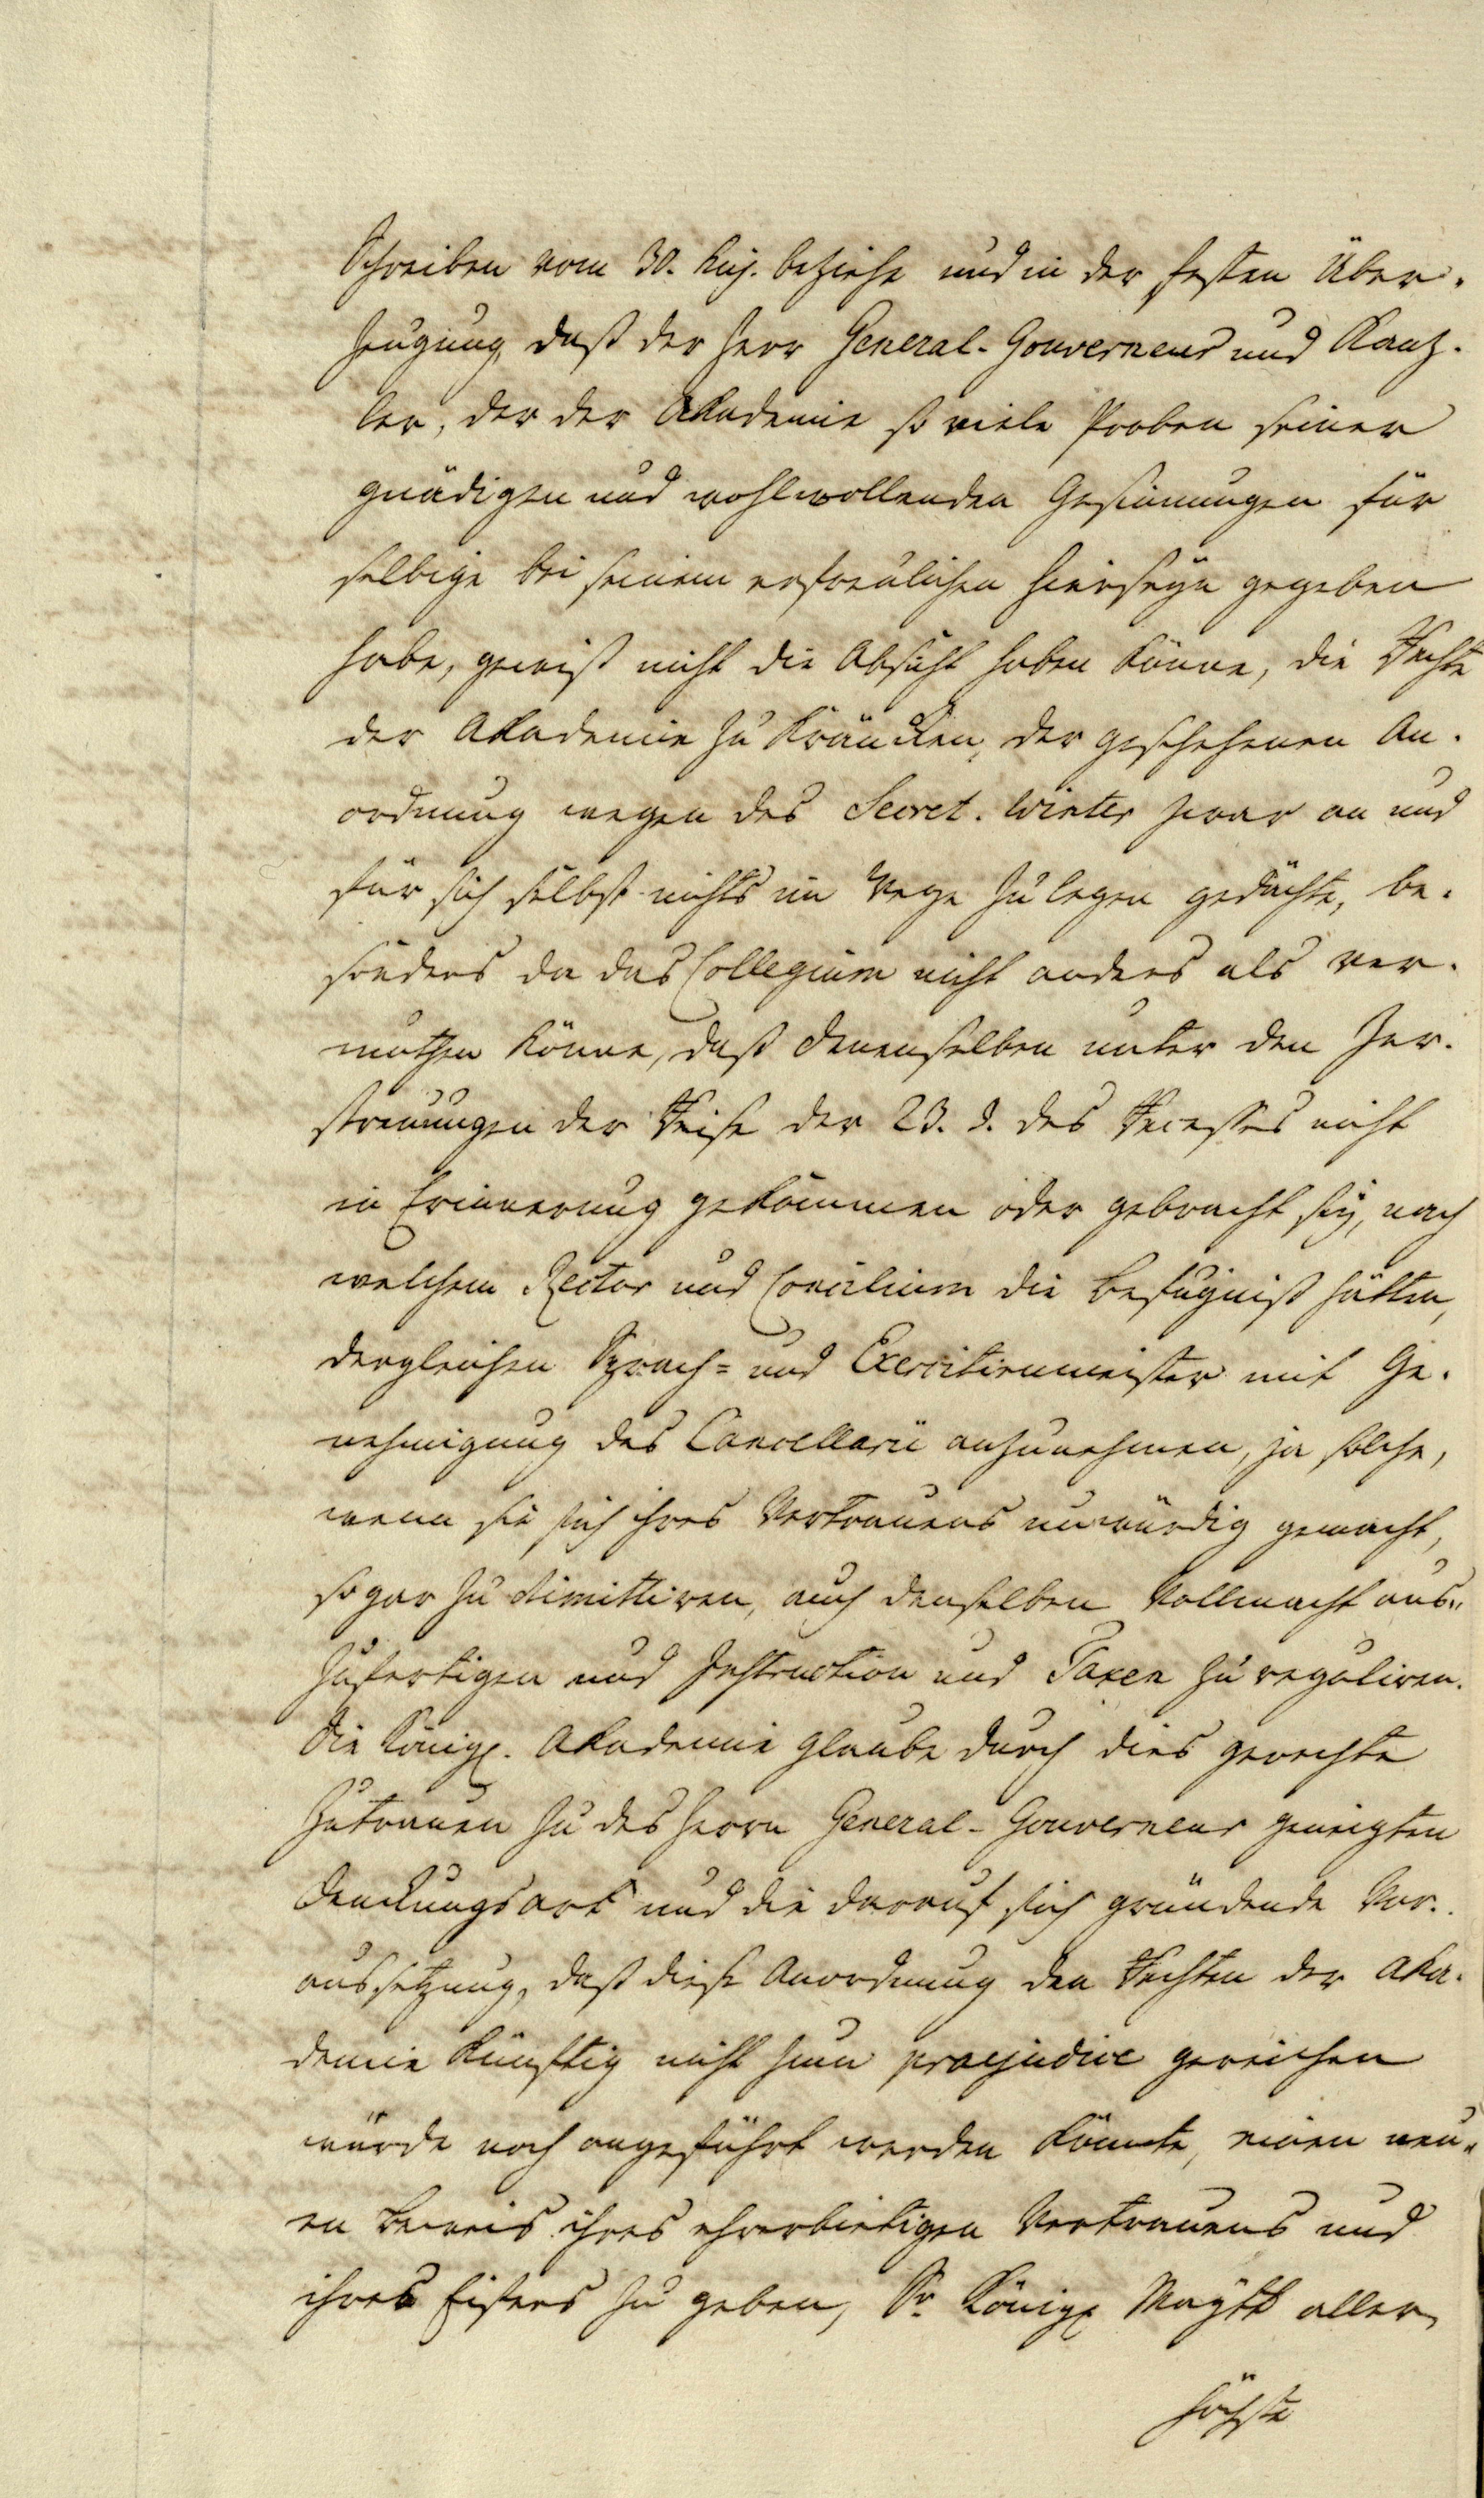Schreiben vom 30. huj. beziehe und in der festen Über¬
zeugung, daß der Herr General- Gouverneur und Kanz¬
ler, der der Akademie so viele Proben seiner
gnädigen und wohlwollenden Gesinnungen für
selbige bei seinem erfreulichen Hierseÿn gegeben
habe, gewiß nicht die Absicht haben könne, die Rechte
der Akademie zu kräncken, der geschehenen An¬
ordnung wegen des Secret. Winter zwar an und
für sich selbst nichts im Wege zu legen gedächte, be¬
sonders da das Collegium nicht anders als ver¬
muthen könne, daß Denenselben unter den Zer¬
streuungen der Reise der 23. §. des Recesses nicht
in Erinnerung gekommen oder gebracht seÿ, nach
welchem Rector und Concilium die Befugniß hätten,
dergleichen Sprach- und Exercitienmeister mit Ge¬
nehmigung des Cancellarii anzunehmen, ja solche,
wenn sie sich ihres Vertrauens unwürdig gemacht,
so gar zu demittiren, auch denselben Vollmacht aus¬
zufertigen und Instruction und Taxen zu reguliren.
Die Königl. Akademie glaube durch dies gerechte
Zutrauen zu des Herrn General- Gouverneur geneigten
Denckungsart und die darauf sich gründende Vor¬
aussetzung, daß diese Anordnung den Rechten der Aka¬
demie künftig nicht zum praejudice gereichen
würde noch angeführt werden könnte, einen neu¬
en Beweis ihres ehrerbietigen Vertrauens und
ihres Eifers zu geben, Sr Königl. Maÿtt aller¬
höchste